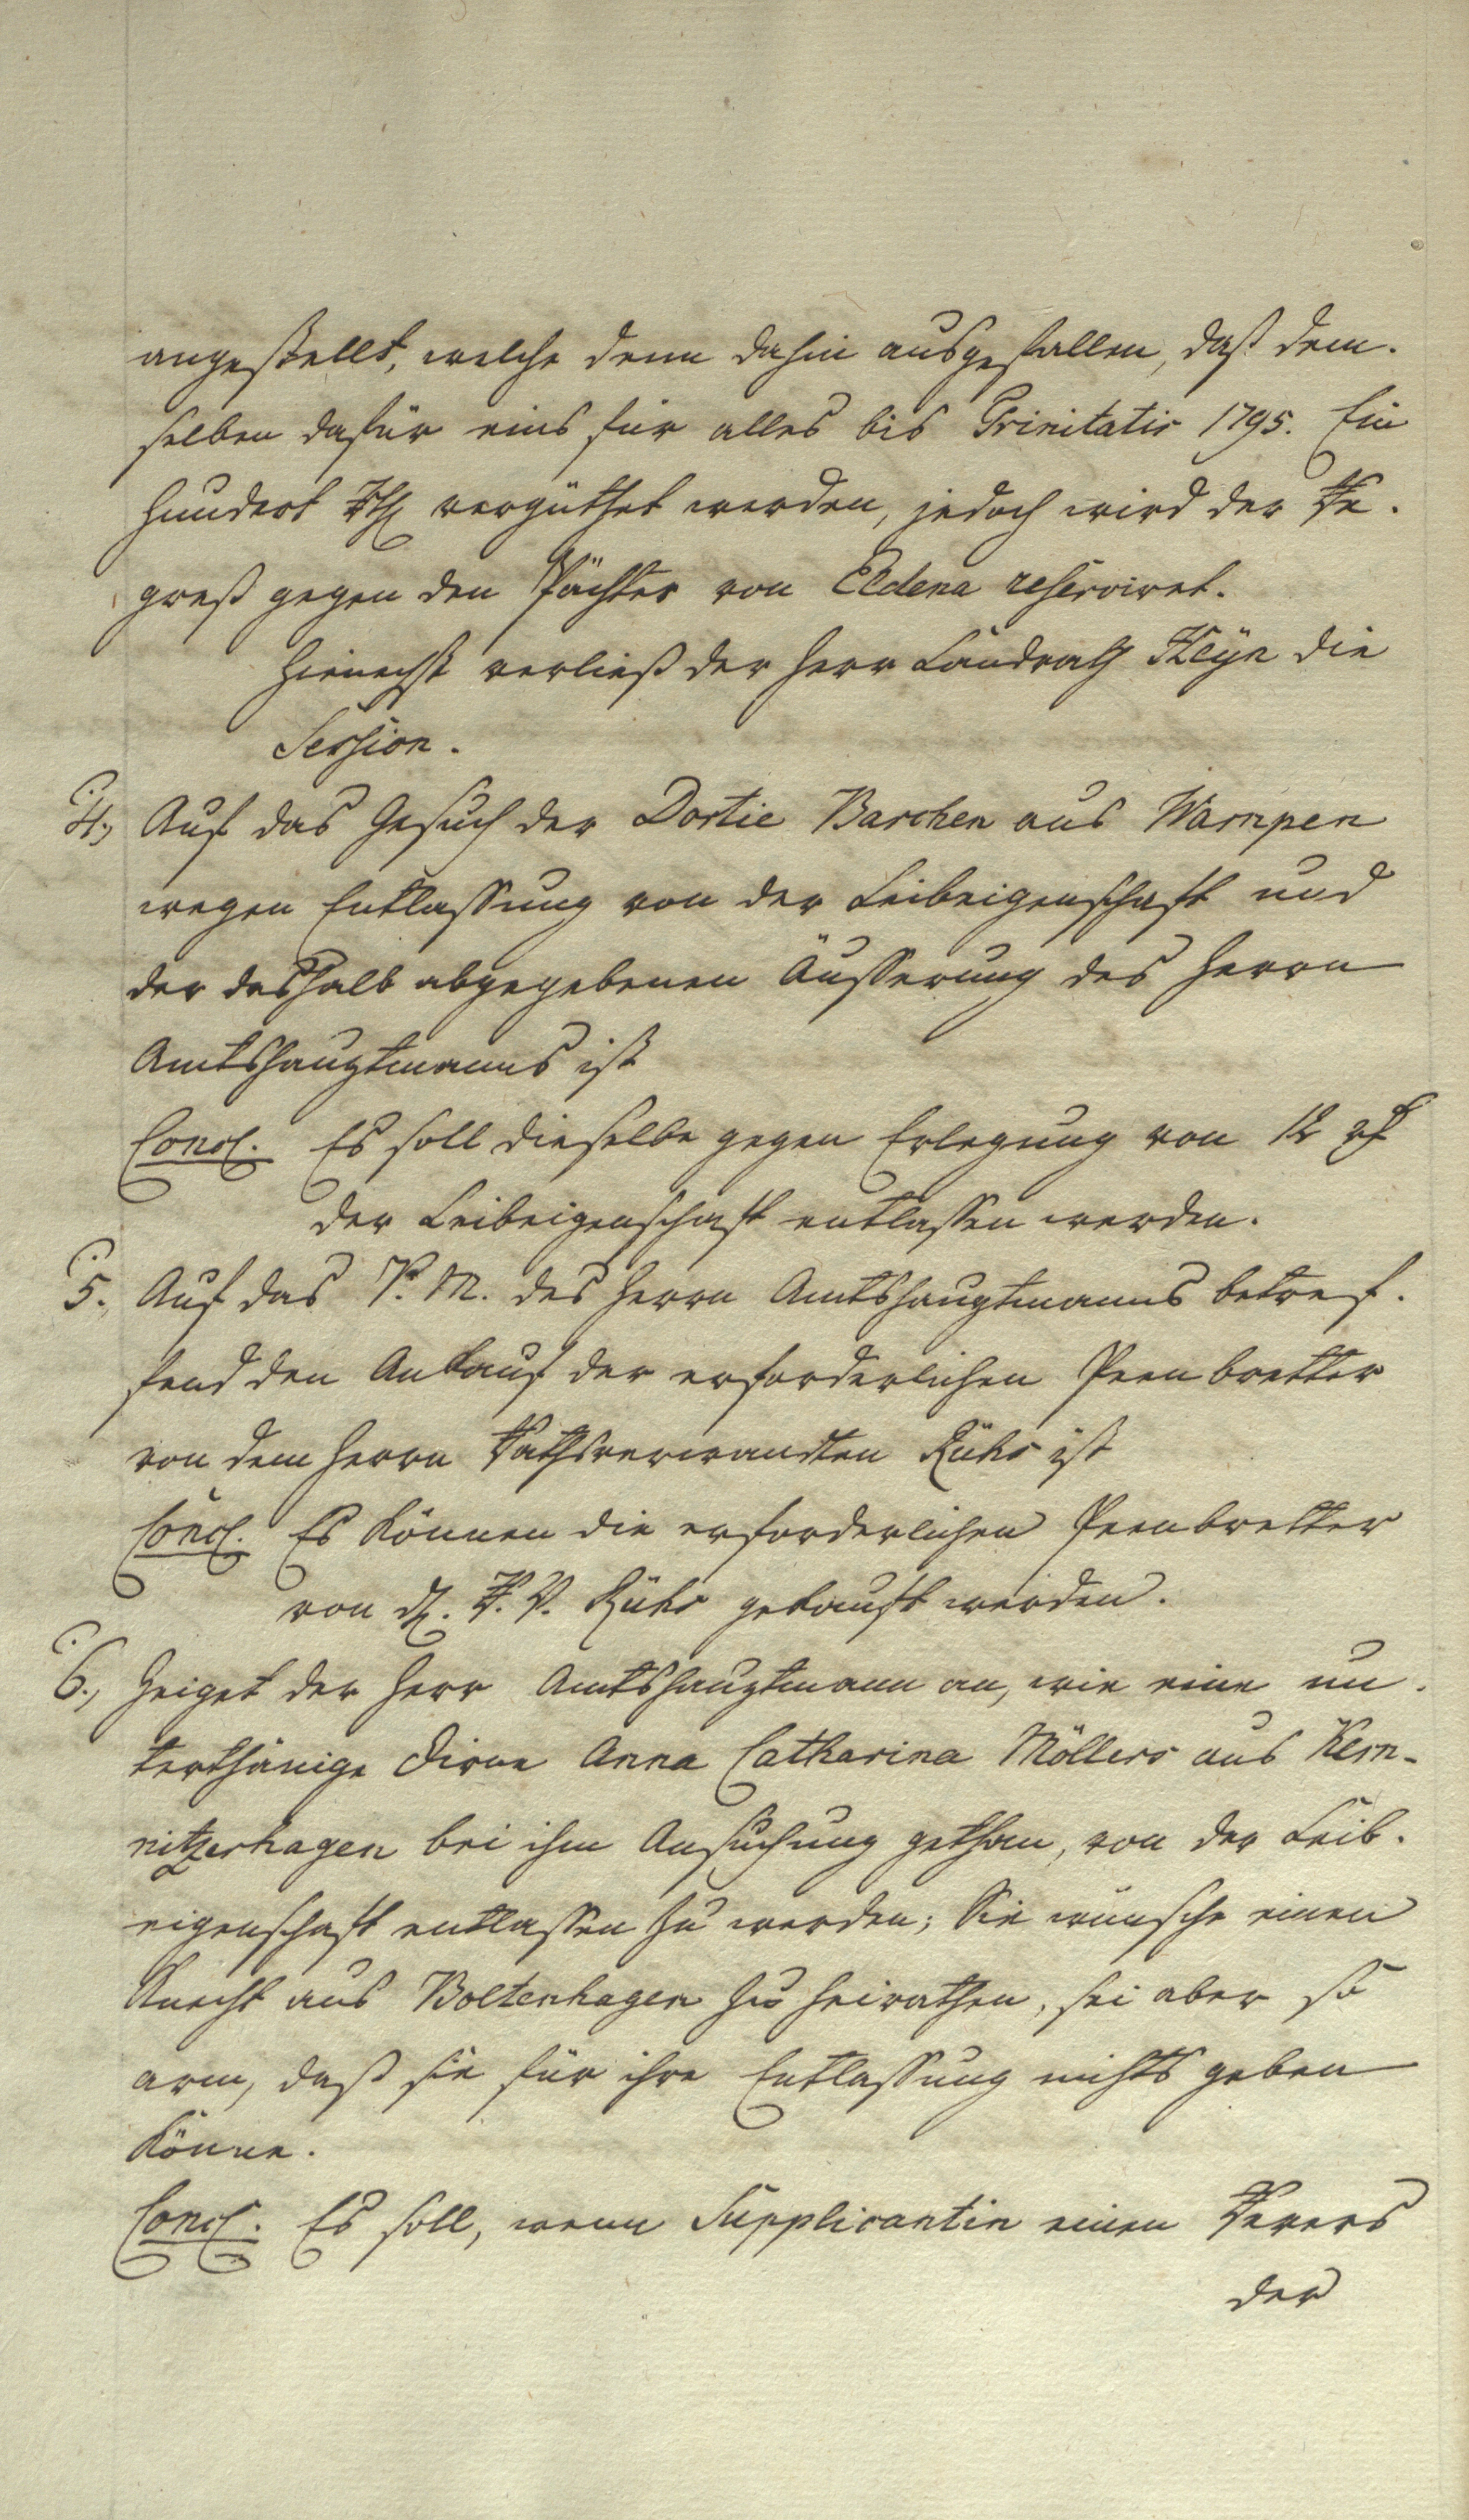angestellt, welche denn dahin ausgefallen, daß dem¬
selben dafür eins für alles bis Trinitatis 1795. Ein¬
hundert Rthl. vergüthet werden, jedoch wird der Re¬
greß gegen den Pächter von Eldena reserviret.
Hienechst verließ der Herr Landrath Heyn die
Session.
4., Auf das Gesuch der Dortie Barchen aus Wampen
wegen Entlassung von der Leibeigenschaft und
der deshalb abgegebenen Äusserung des Herrn
Amtshauptmanns ist
Concl. Es soll dieselbe gegen Erlegung von 12 rtl.
der Leibeigenschaft entlassen werden.
5. Auf das P. M. des Herrn Amtshauptmanns betref¬
fend den Ankauf der erforderlichen Peenbretter
von dem Herrn Rathsverwandten Rühs ist
Concl. Es können die erforderlichen Peenbretter
von dh. R. V. Rühs gekauft werden.
6., Zeiget der Herr Amtshauptmann an, wie eine un¬
terthänige Dirne Anna Catharina Möllers aus Kem¬
nitzerhagen bei ihm Ansuchung gethan, von der Leib¬
eigenschaft entlassen zu werden; Sie wünsche einen
Knecht aus Boltenhagen zu heirathen, sei aber so
arm, daß sie für ihre Entlassung nichts geben
könne.
Concl. Es soll, wenn Supplicantin einen Revers
der